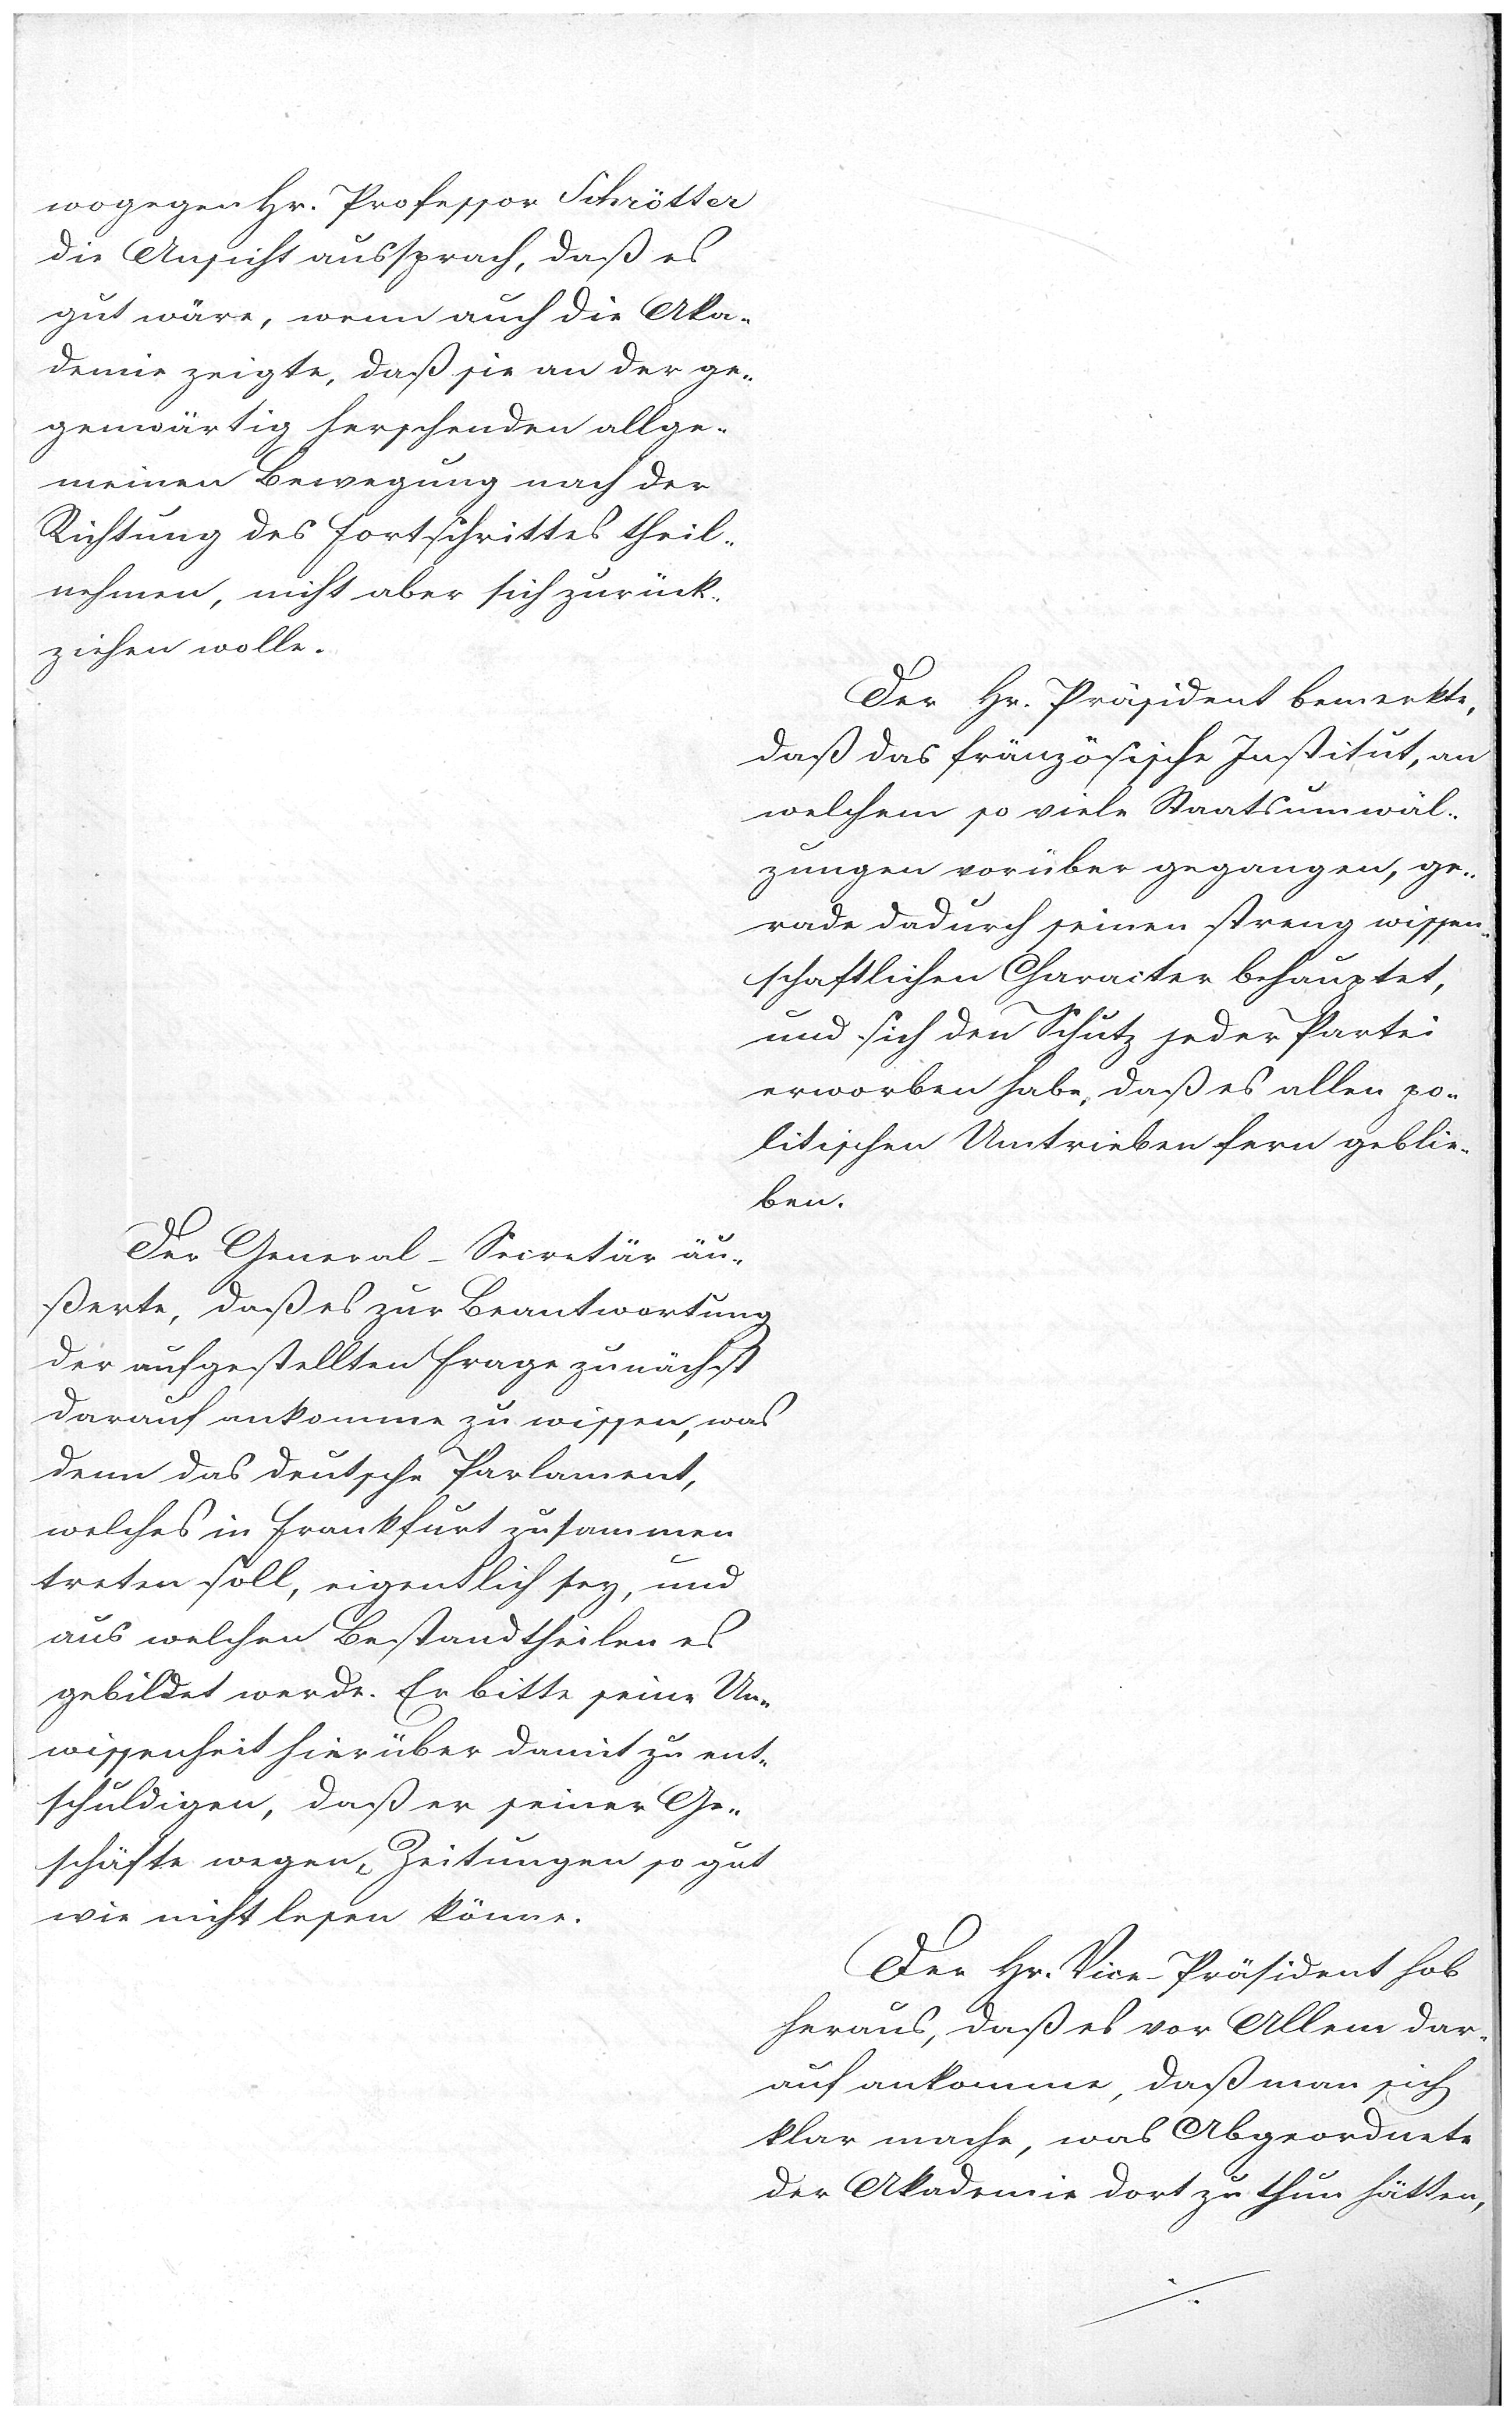wogegen Hr. Professor Schrötter
die Ansicht aussprach, daß es
gut wäre, wenn auch die Aka-
demie zeigte, daß sie an der ge-
enwärtig herrschenden allge-
meinen Bewegung nach der
Richtung des Fortschrittes theil-
nehmen, nicht aber sich zurück-
ziehen wolle.
Der Hr. Präsident bemerkte,
daß das fränzosische Institut, an
welchem so viele Staatsumwäl-
zungen vorüber gegangen, ge-
rade dadurch seinen streng wissen-
schaftlichen Character behauptet,
und sich den Schutz jeder Partei
erworben habe, daß es allen po-
sitischen Untrieben fern geblie-
ben.
Die General-Secretär äu-
ßerte, daß es zur Beantwortung
der aufgestellten Frage zunächst
darauf ankomme zu wissen, was
denn das deutsche Parlament,
welches in Frankfurt zusammen-
treten soll, eigentlich sey, und
aus welchen Bestandtheilen es
gebildet werde. Er bitte seine Un-
wissenheit hierüber damit zu ent-
schuldigen, daß er seiner Ge-
schäfte wegen Zeitungen so gut
wie nicht lesen könne.
Der Hr. Vice-Präsident hob
heraus, daß es vor Allem dar-
auf ankomne, daß man sich
klar mache, was Abgeordnete
der Akademie dort zu thun hätten,